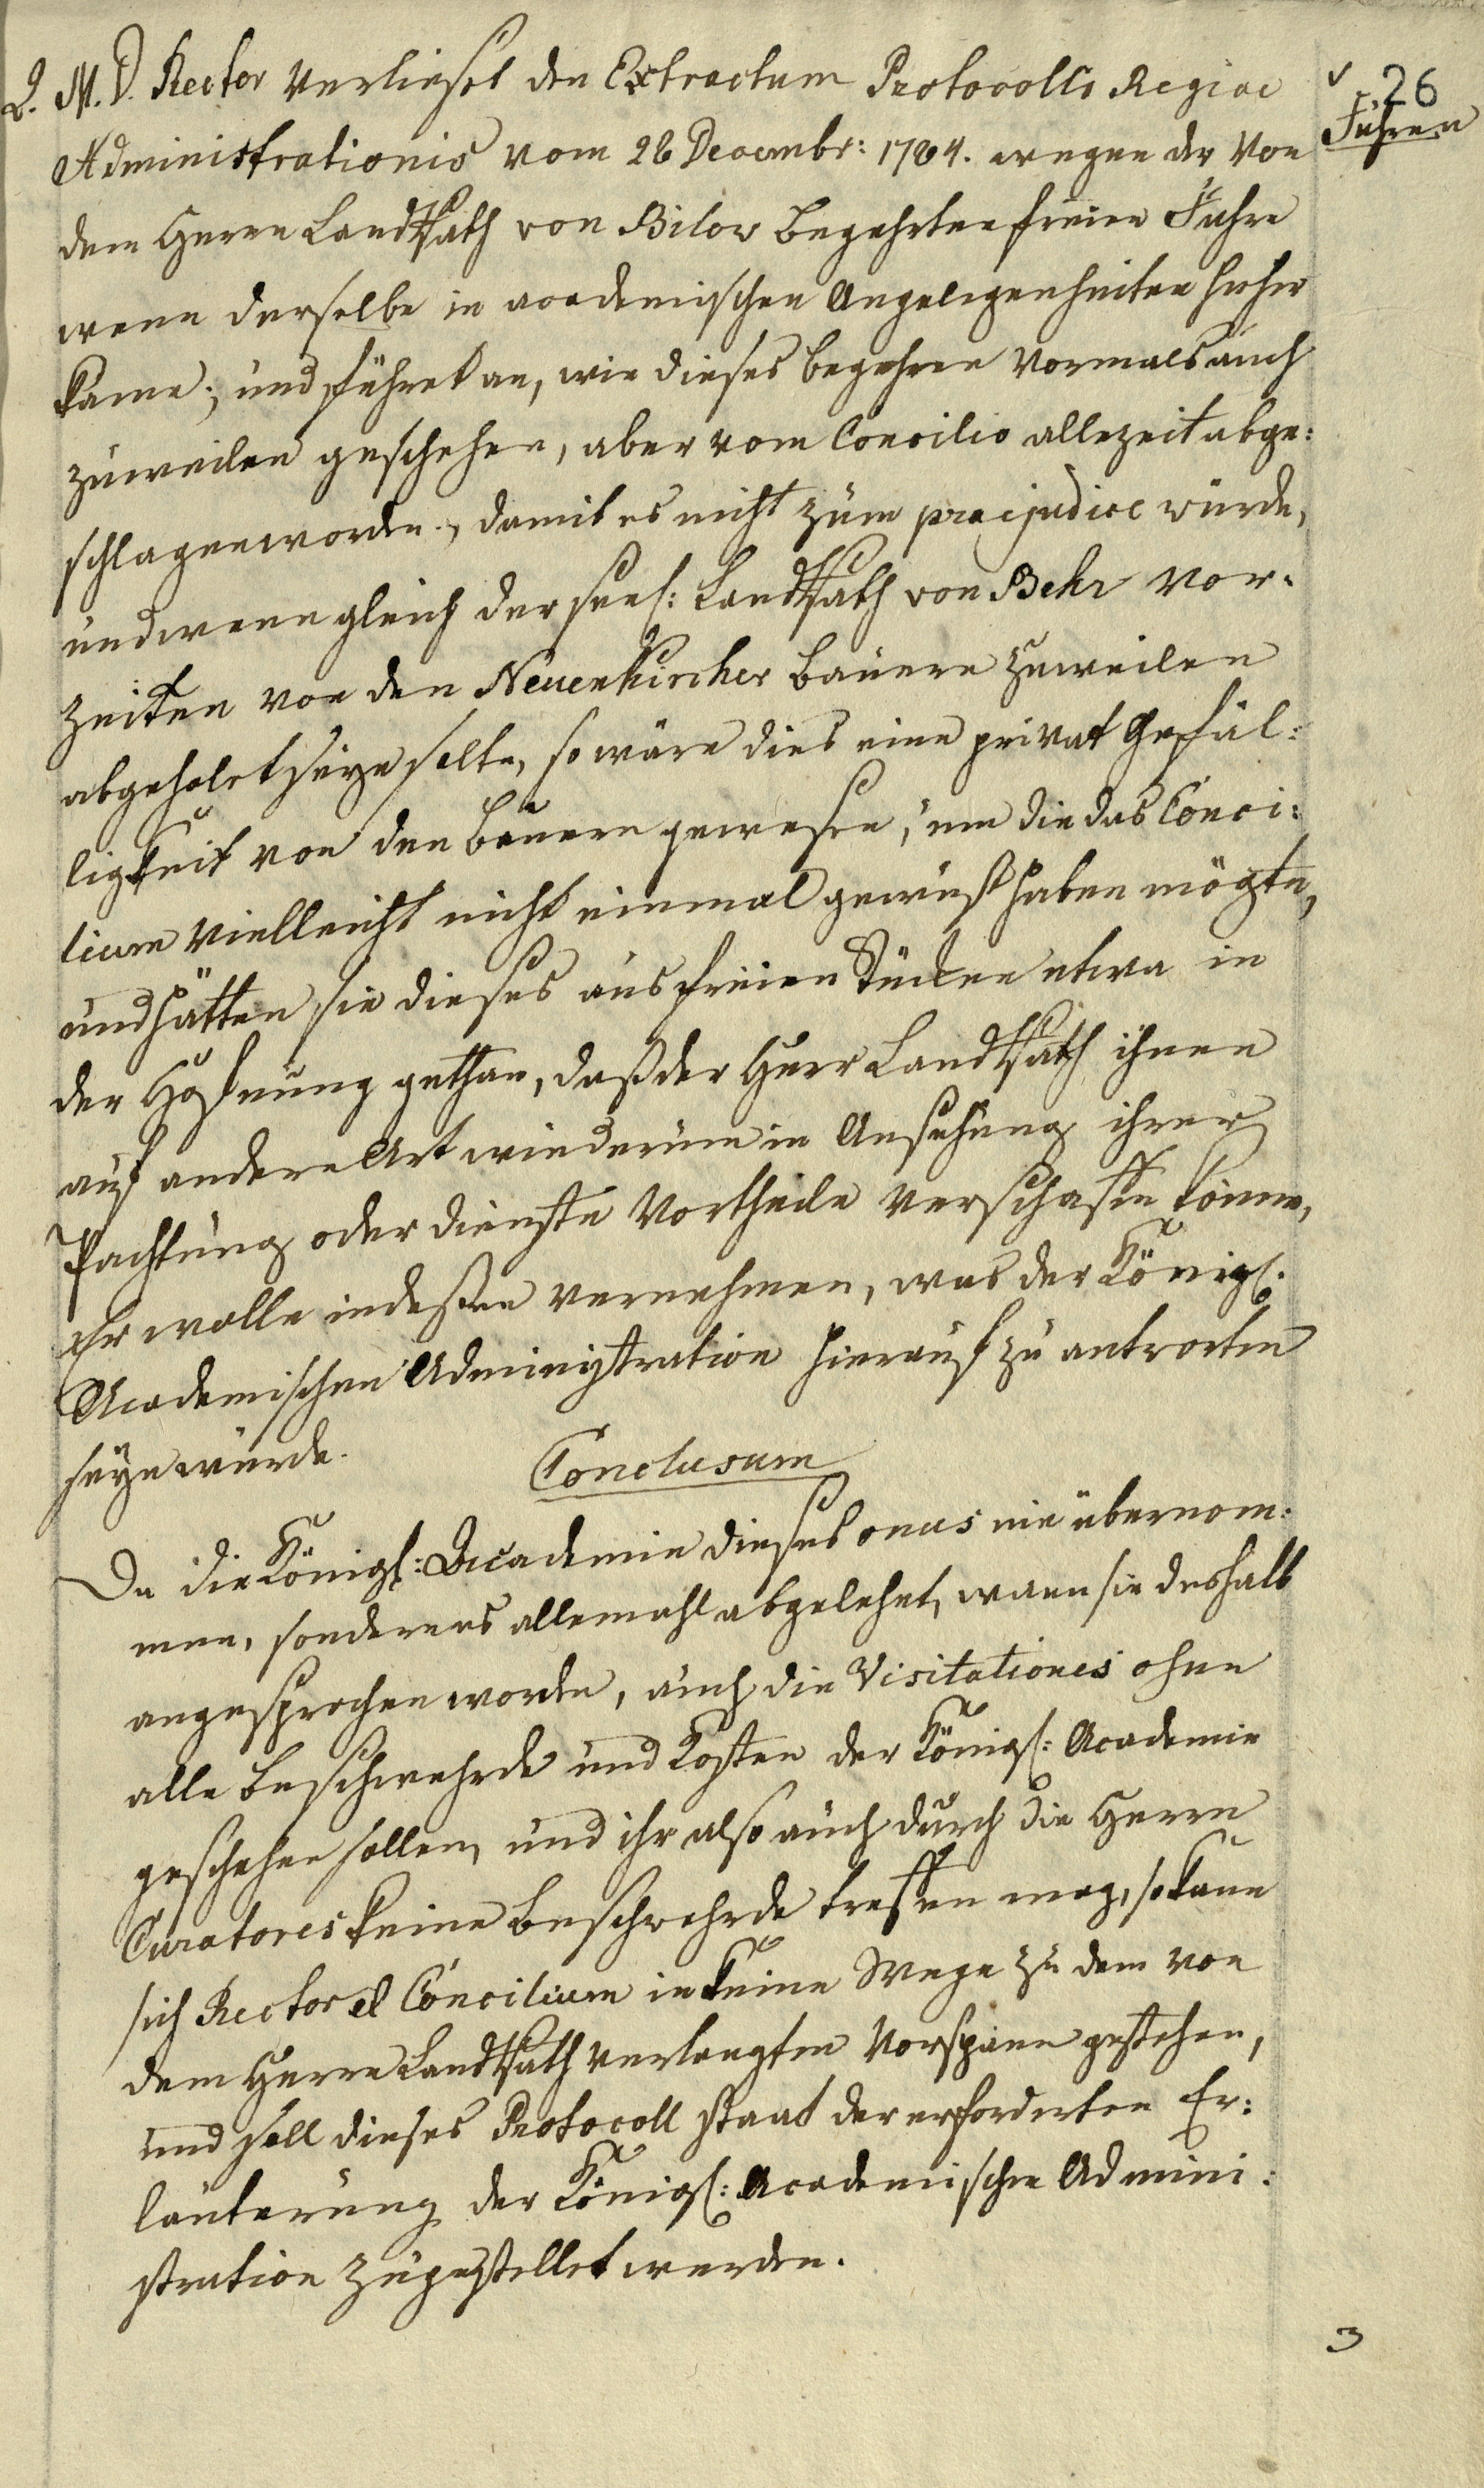2. M. D. Rector verlieset den Extractum Protocolli Regiae
Administrationis vom 28 Decembr: 1784. wegen der von
dem Herrn LandRath von Bilow begehrten freien Fuhre
wenn derselbe in academischen Angelegenheiten hieher
käme; und führet an, wie dieses Begehren vormals auch
zuweilen geschehen, aber von Concilio allezeit abge¬
schlagen worden, damit es nicht zum praejudice würde,
und wenn gleich der seel. LandRath von Behr vor¬
zeiten von den Neuenkircher Bauern zuweilen
abgeholet seÿn solte, so wäre dies eine privat Gefäl¬
ligkeit von den Bauern gewesen, um die das Conci¬
lium vielleicht nicht einmal gewußt haben mögte,
und hätten sie dieses aus freien Stücken etwa in
der Hofnung gethan, daß der Herr LandRath ihnen
auf andere Art wiederum in Ansehung ihrer
Pachtung oder Dienste Vortheile verschaffen könne,
Er wolle indessen vernehmen, was der Königl.
Academischen Administration hierauf zu antworten
seÿn würde.
Conclusum
Da die Königl. Academie dieses onus nie übernom¬
men, sondern es allemahl abgelehnt, wann sie deshalb
angesprochen worden, auch die Visitationes ohne
alle Beschwehrde und Kosten der Königl. Academie
geschehen sollen, und ihr also auch durch die Herrn
Curatores keine Beschwehrde treffen mag, so kann
sich Rector et Concilium in keine Wege zu dem von
dem Herrn LandRath verlangten Vorspann gestehen,
und soll dieses Protocoll staat der erforderten Er¬
läuterung der Königl. Academischen Admini¬
stration zugestellet werden.